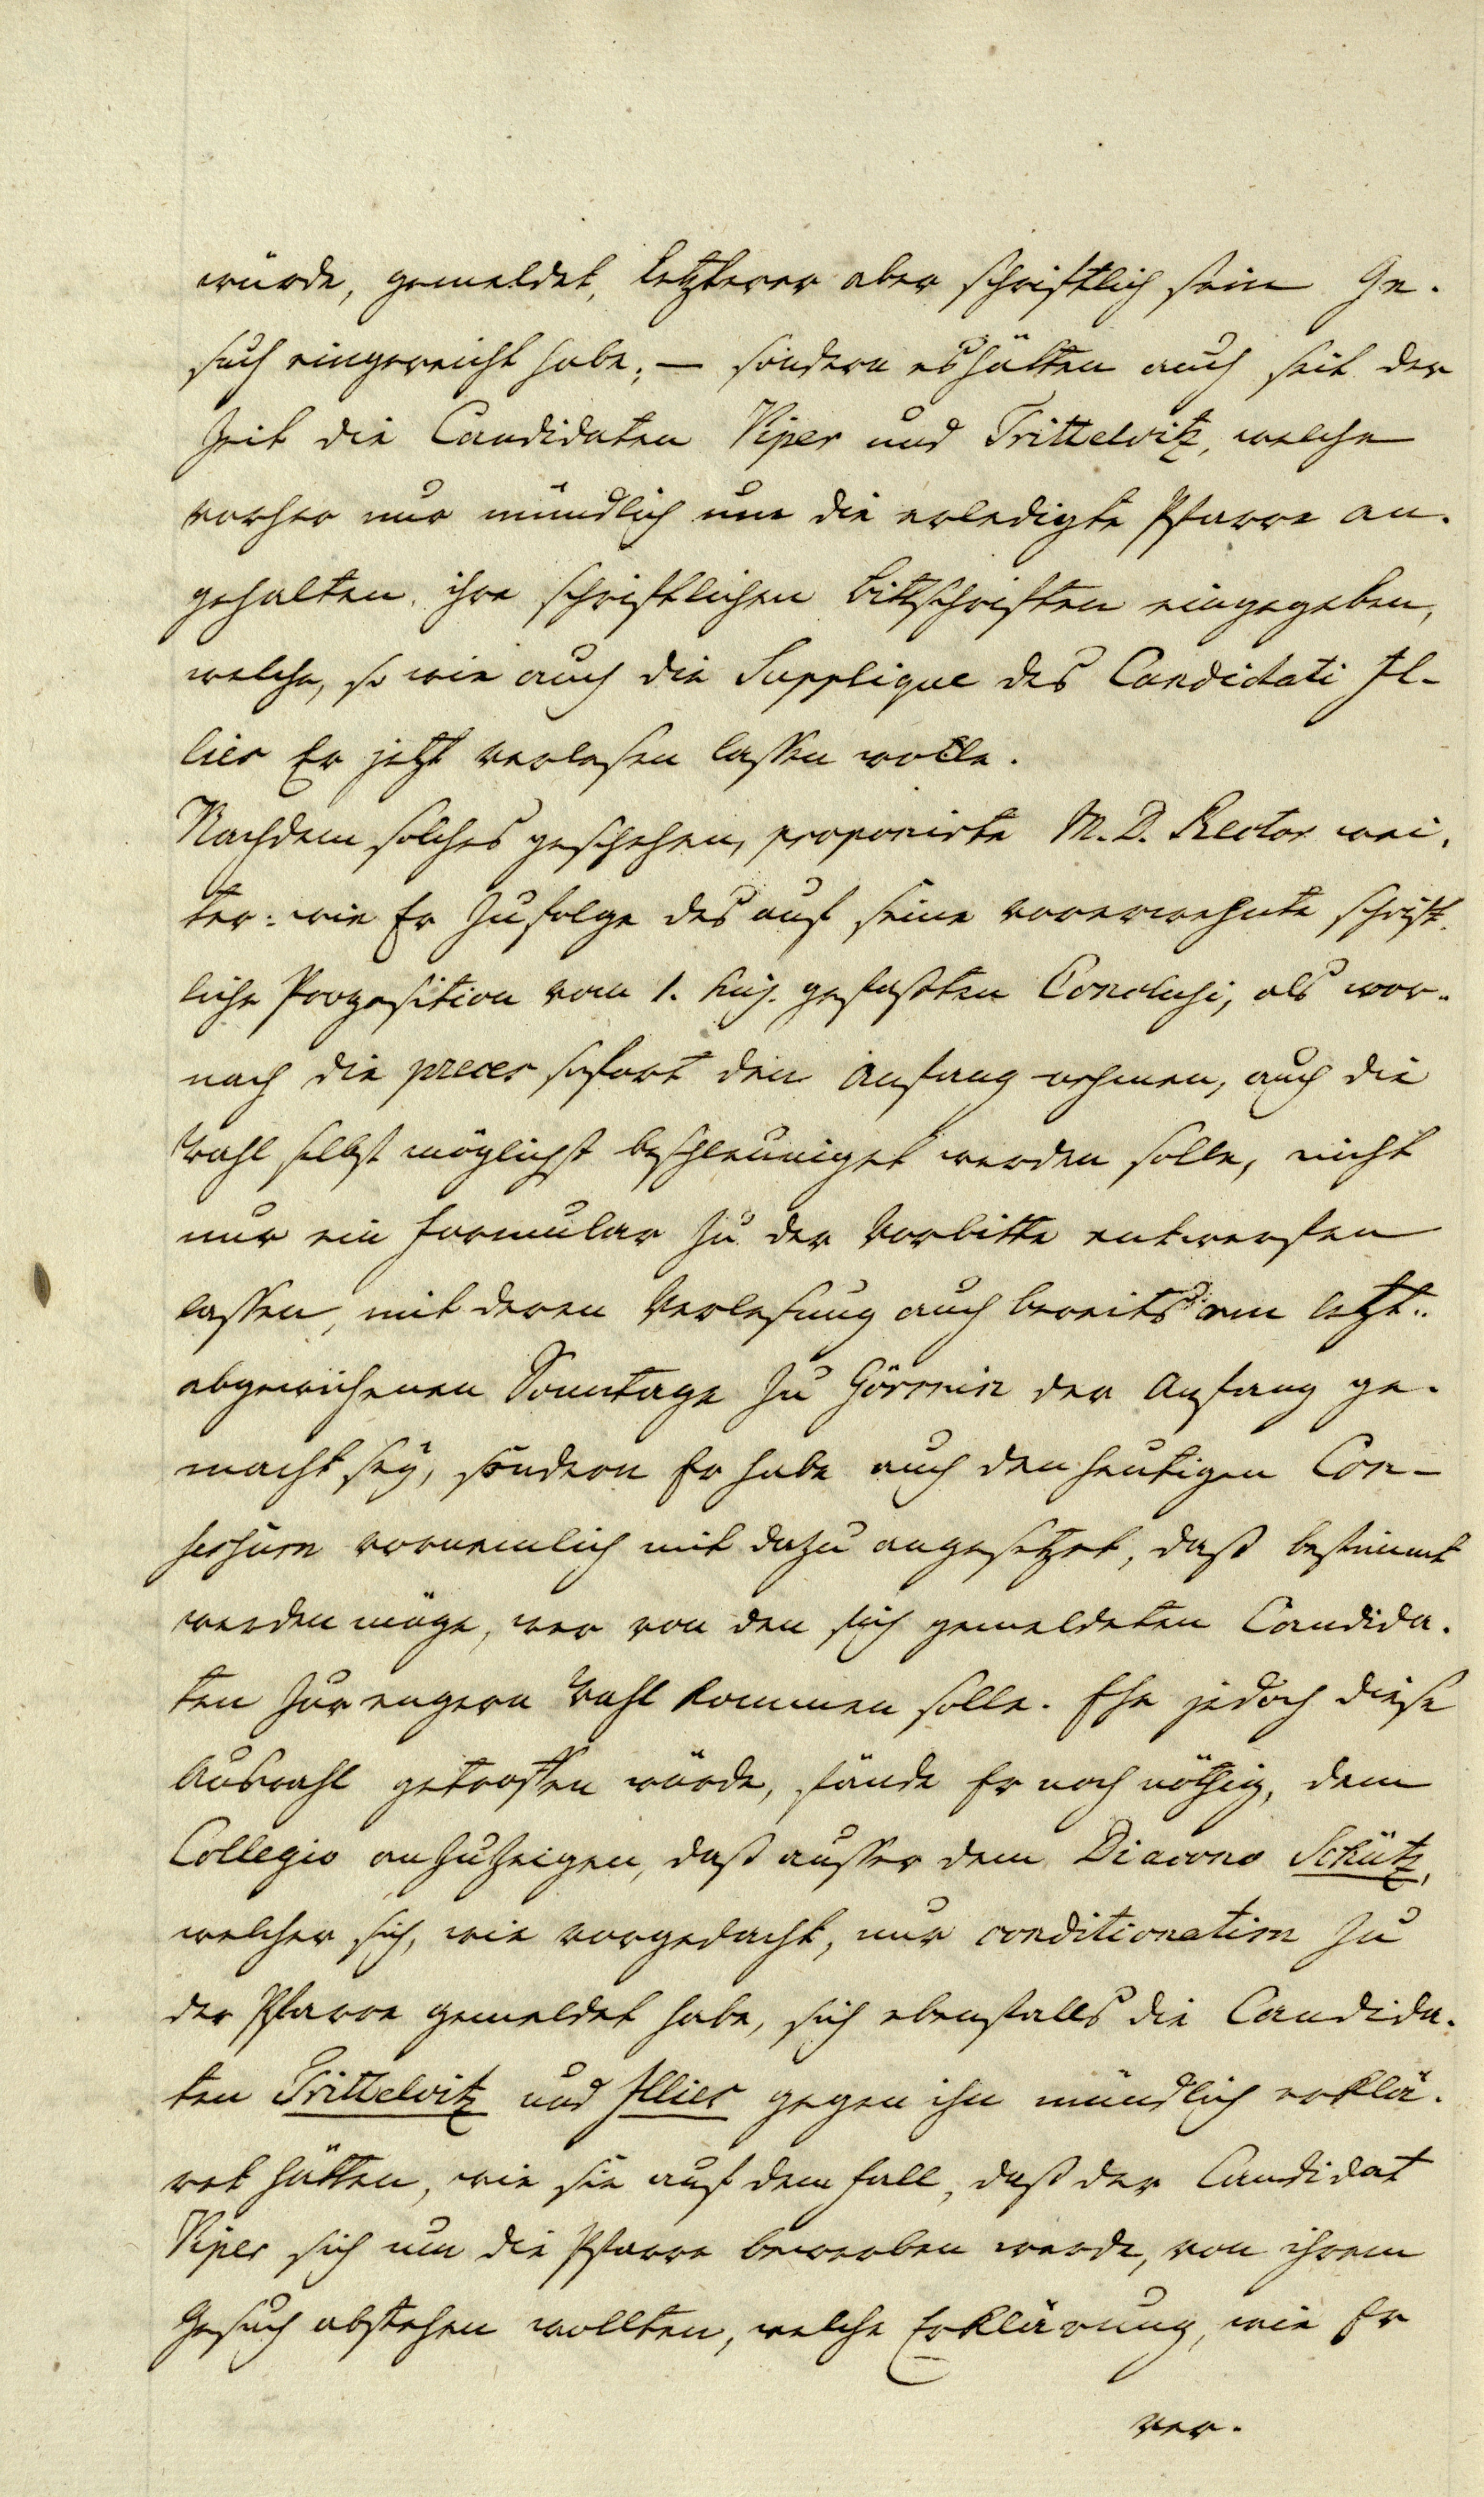würde, gemeldet, letzterer aber schriftlich sein Ge¬
such eingereicht habe; - sondern es hätten auch seit der
Zeit die Candidaten Piper und Trittelvitz, welche
vorher nur mündlich um die erledigte Pfarre an¬
gehalten, ihre schriftlichen Bittschriften eingegeben,
welche, so wie auch die Supplique des Candidati Il¬
lies Er jetzt verlesen lassen wolle.
Nachdem solches geschehen, proponirte M. D. Rector wei¬
ter: wie Er zufolge des auf seine vorerwehnte schrift¬
liche Proposition vom 1. huj. gefaßten Conclusi; als wor¬
nach die preces sofort den Anfang nehmen, auch die
Wahl selbst möglichst beschleuniget werden solle, nicht
nur ein Formular zu den Vorbitte entwerfen
lassen, mit deren Verlesung auch bereits am letzt¬
abgewichenen Sonntage zu Görmin der Anfang ge¬
macht seÿ, sondern Er habe auch den heutigen Con¬
sessum vornemlich mit dazu angesetzet, daß bestimmt
werden möge, wer von den sich gemeldeten Candida¬
ten zur engern Wahl kommen solle. Ehe jedoch diese
Auswahl getroffen würde, fände Er noch nöthig, dem
Collegio anzuzeigen, daß ausser dem Diacono Schütz,
welcher sich, wie vorgedacht, nur conditionatim zu
der Pfarre gemeldet habe, sich ebenfalls die Candida¬
ten Trittelvitz und Illies gegen ihn mündlich erklä¬
ret hätten, wie sie auf dem Fall, daß der Candidat
Piper sich um die Pfarre bewerben werde, von ihrem
Gesuch abstehen wollten, welche Erklärung, wie Er
ver